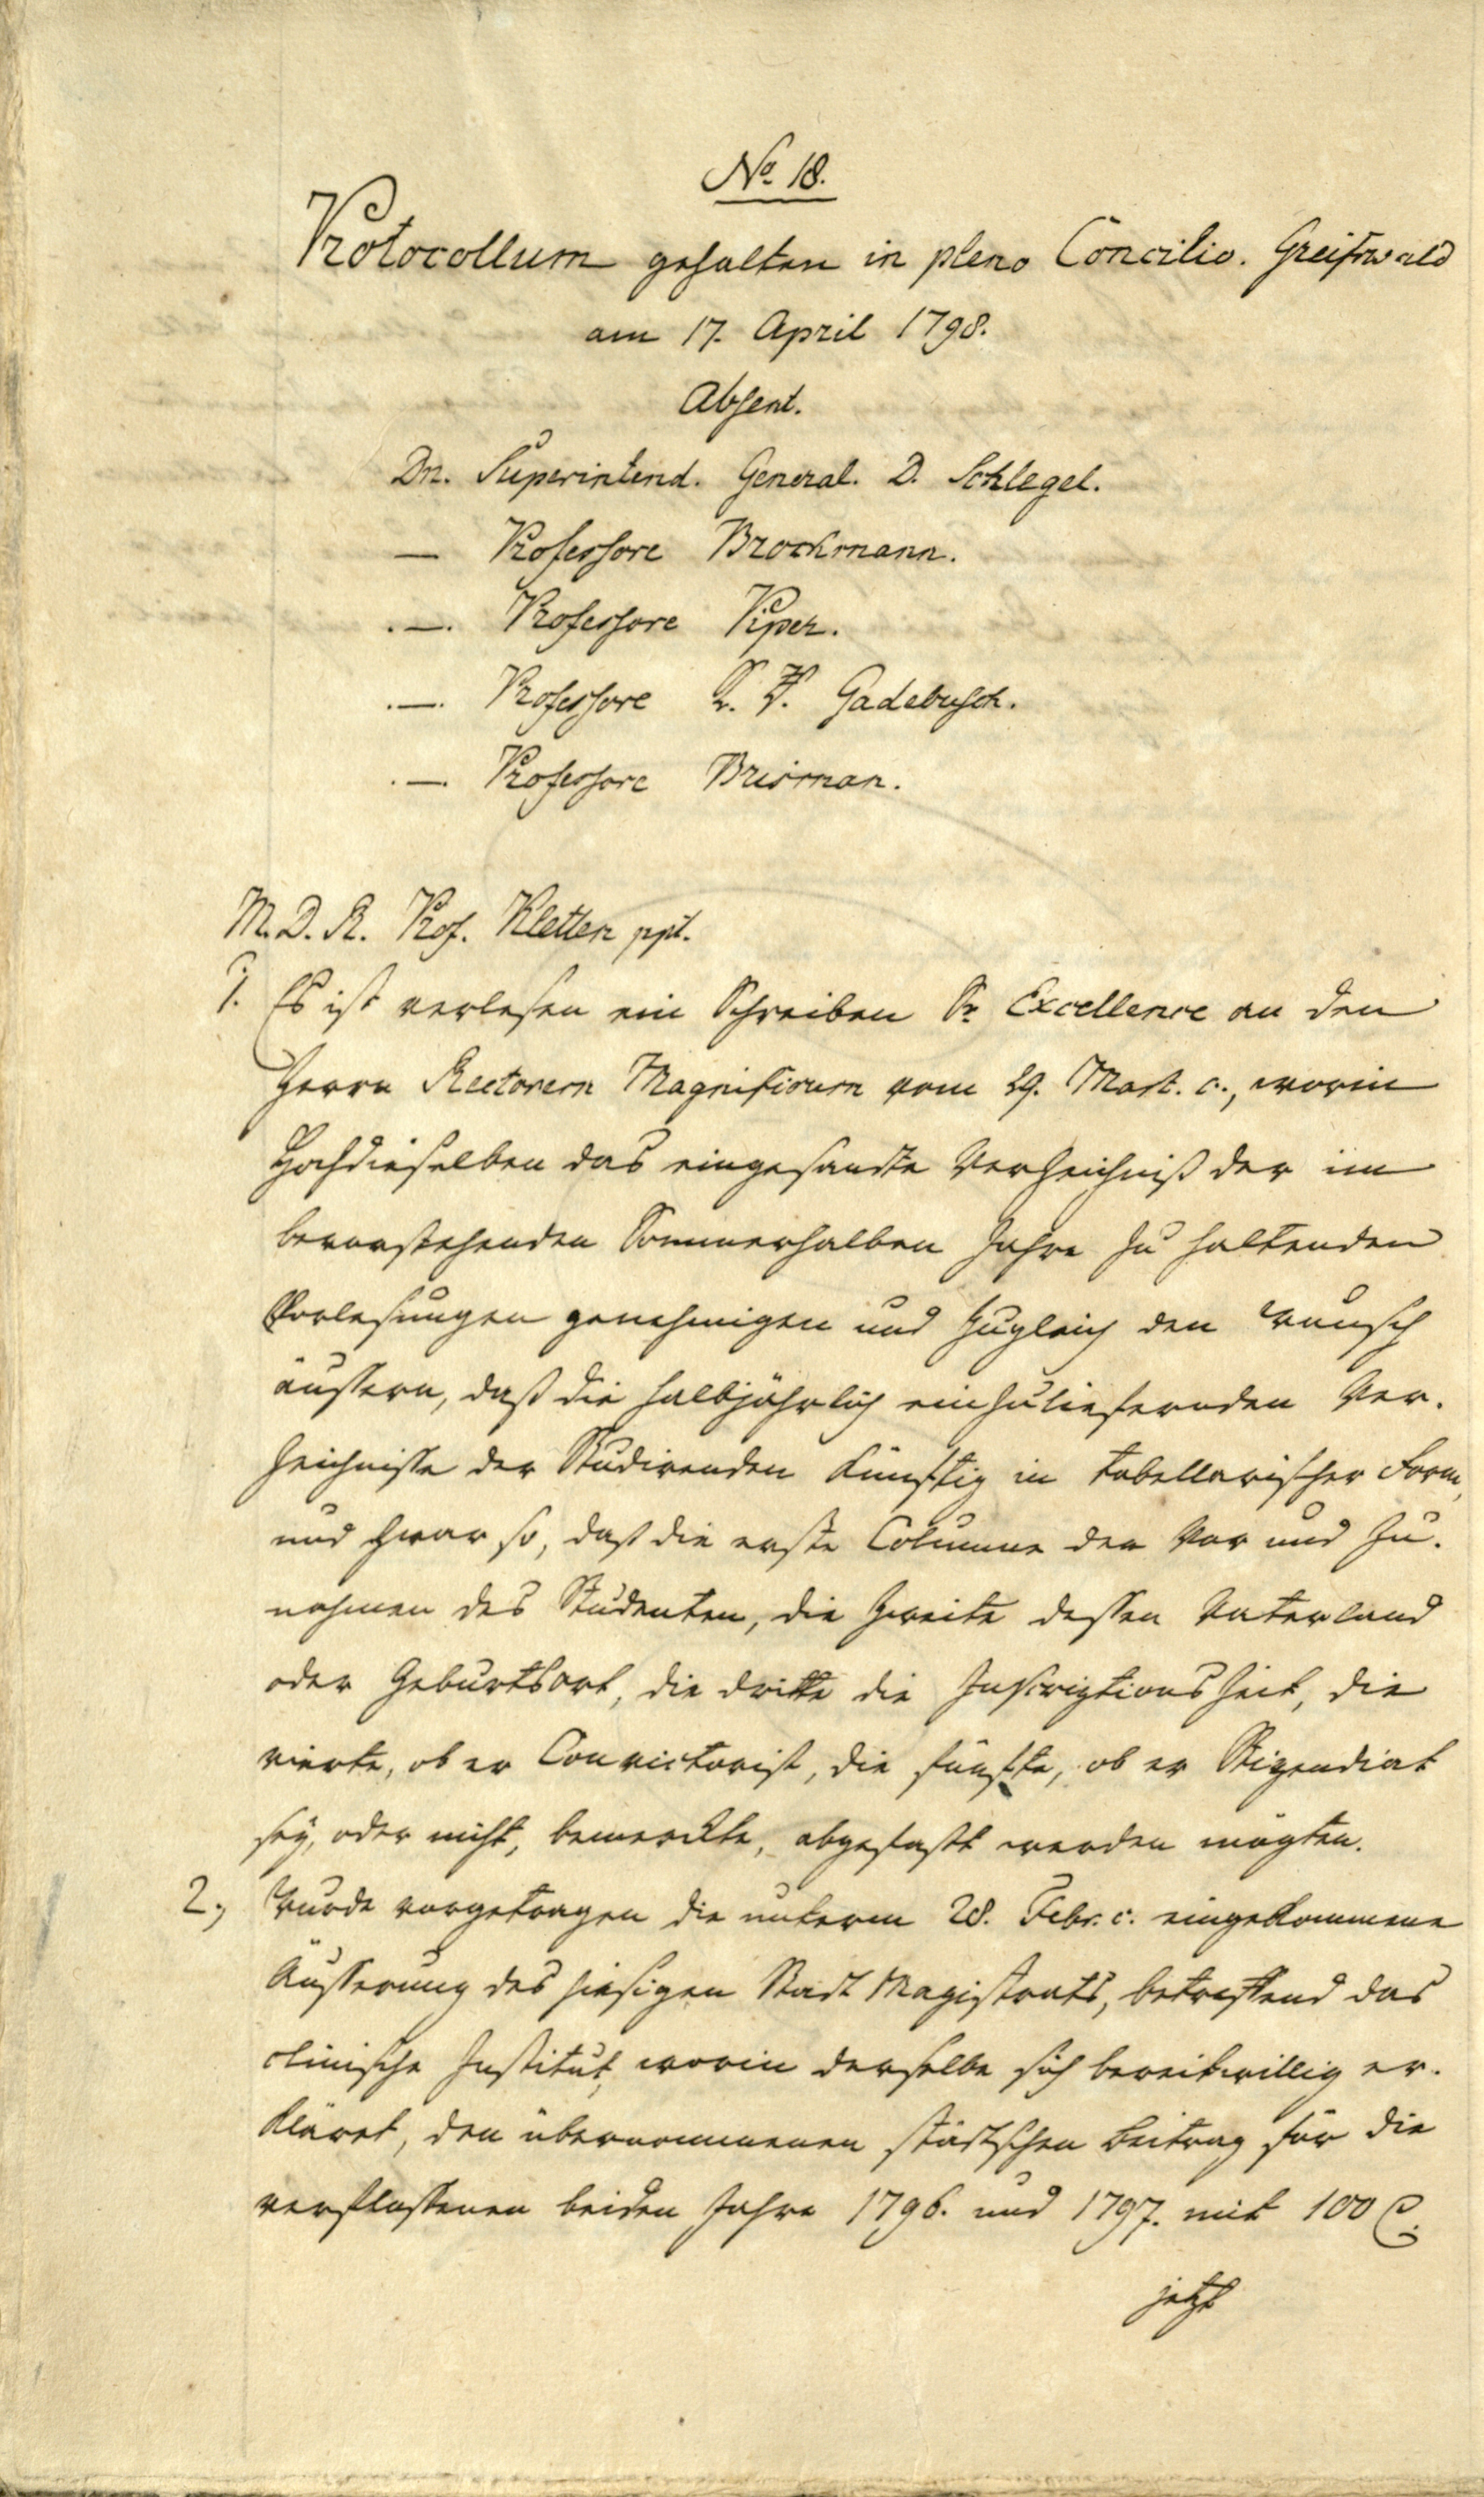No 18.
Protocollum gehalten in pleno Concilio Greifswald
am 17. April 1798.
Absent.
Dn. Superintend. General. D. Schlegel.
Professore Brockmann.
Professore Piper.
Professore K. R. Gadebusch.
Professore Brisman.
M. D. R. Prof. Kletten ppt.
1. Es ist verlesen ein Schreiben Sr Excellence an den
Herrn Rectorem Magnificum vom 29. Mart. c., worin
Hochdieselben das eingesandte Verzeichnis der im
bevorstehenden Sommerhalben Jahre zu haltenden
Vorlesungen genehmigen und zugleich den Wunsch
äussern, daß die halbjährlich einzuliefernden Ver¬
Zeichnisse der Studirenden künftig in tabellerischer Form,
und zwar so, daß die erste Columne den Vor und Zu¬
nahmen des Studenten, die zweite dessen Vaterland
der Geburtsort, die dritte die Inscriptionszeit, die
vierte, ob er Convictorist, die fünfte, ob er Stipendiat
seÿ, oder nicht, bemerckte, abgefaßt werden mögten.
2. Wurde vorgetragen die unterm 28. Febr. c. eingekommene
Äusserung des hiesigen Stadt Magistrats, betreffend das
clinische Institut, worin derselbe sich bereitwillig er¬
kläret, den übernommenen städtischen Beitrag für die
verflossenen beiden Jahre 1796. und 1797. mit 100 l.
jetzt